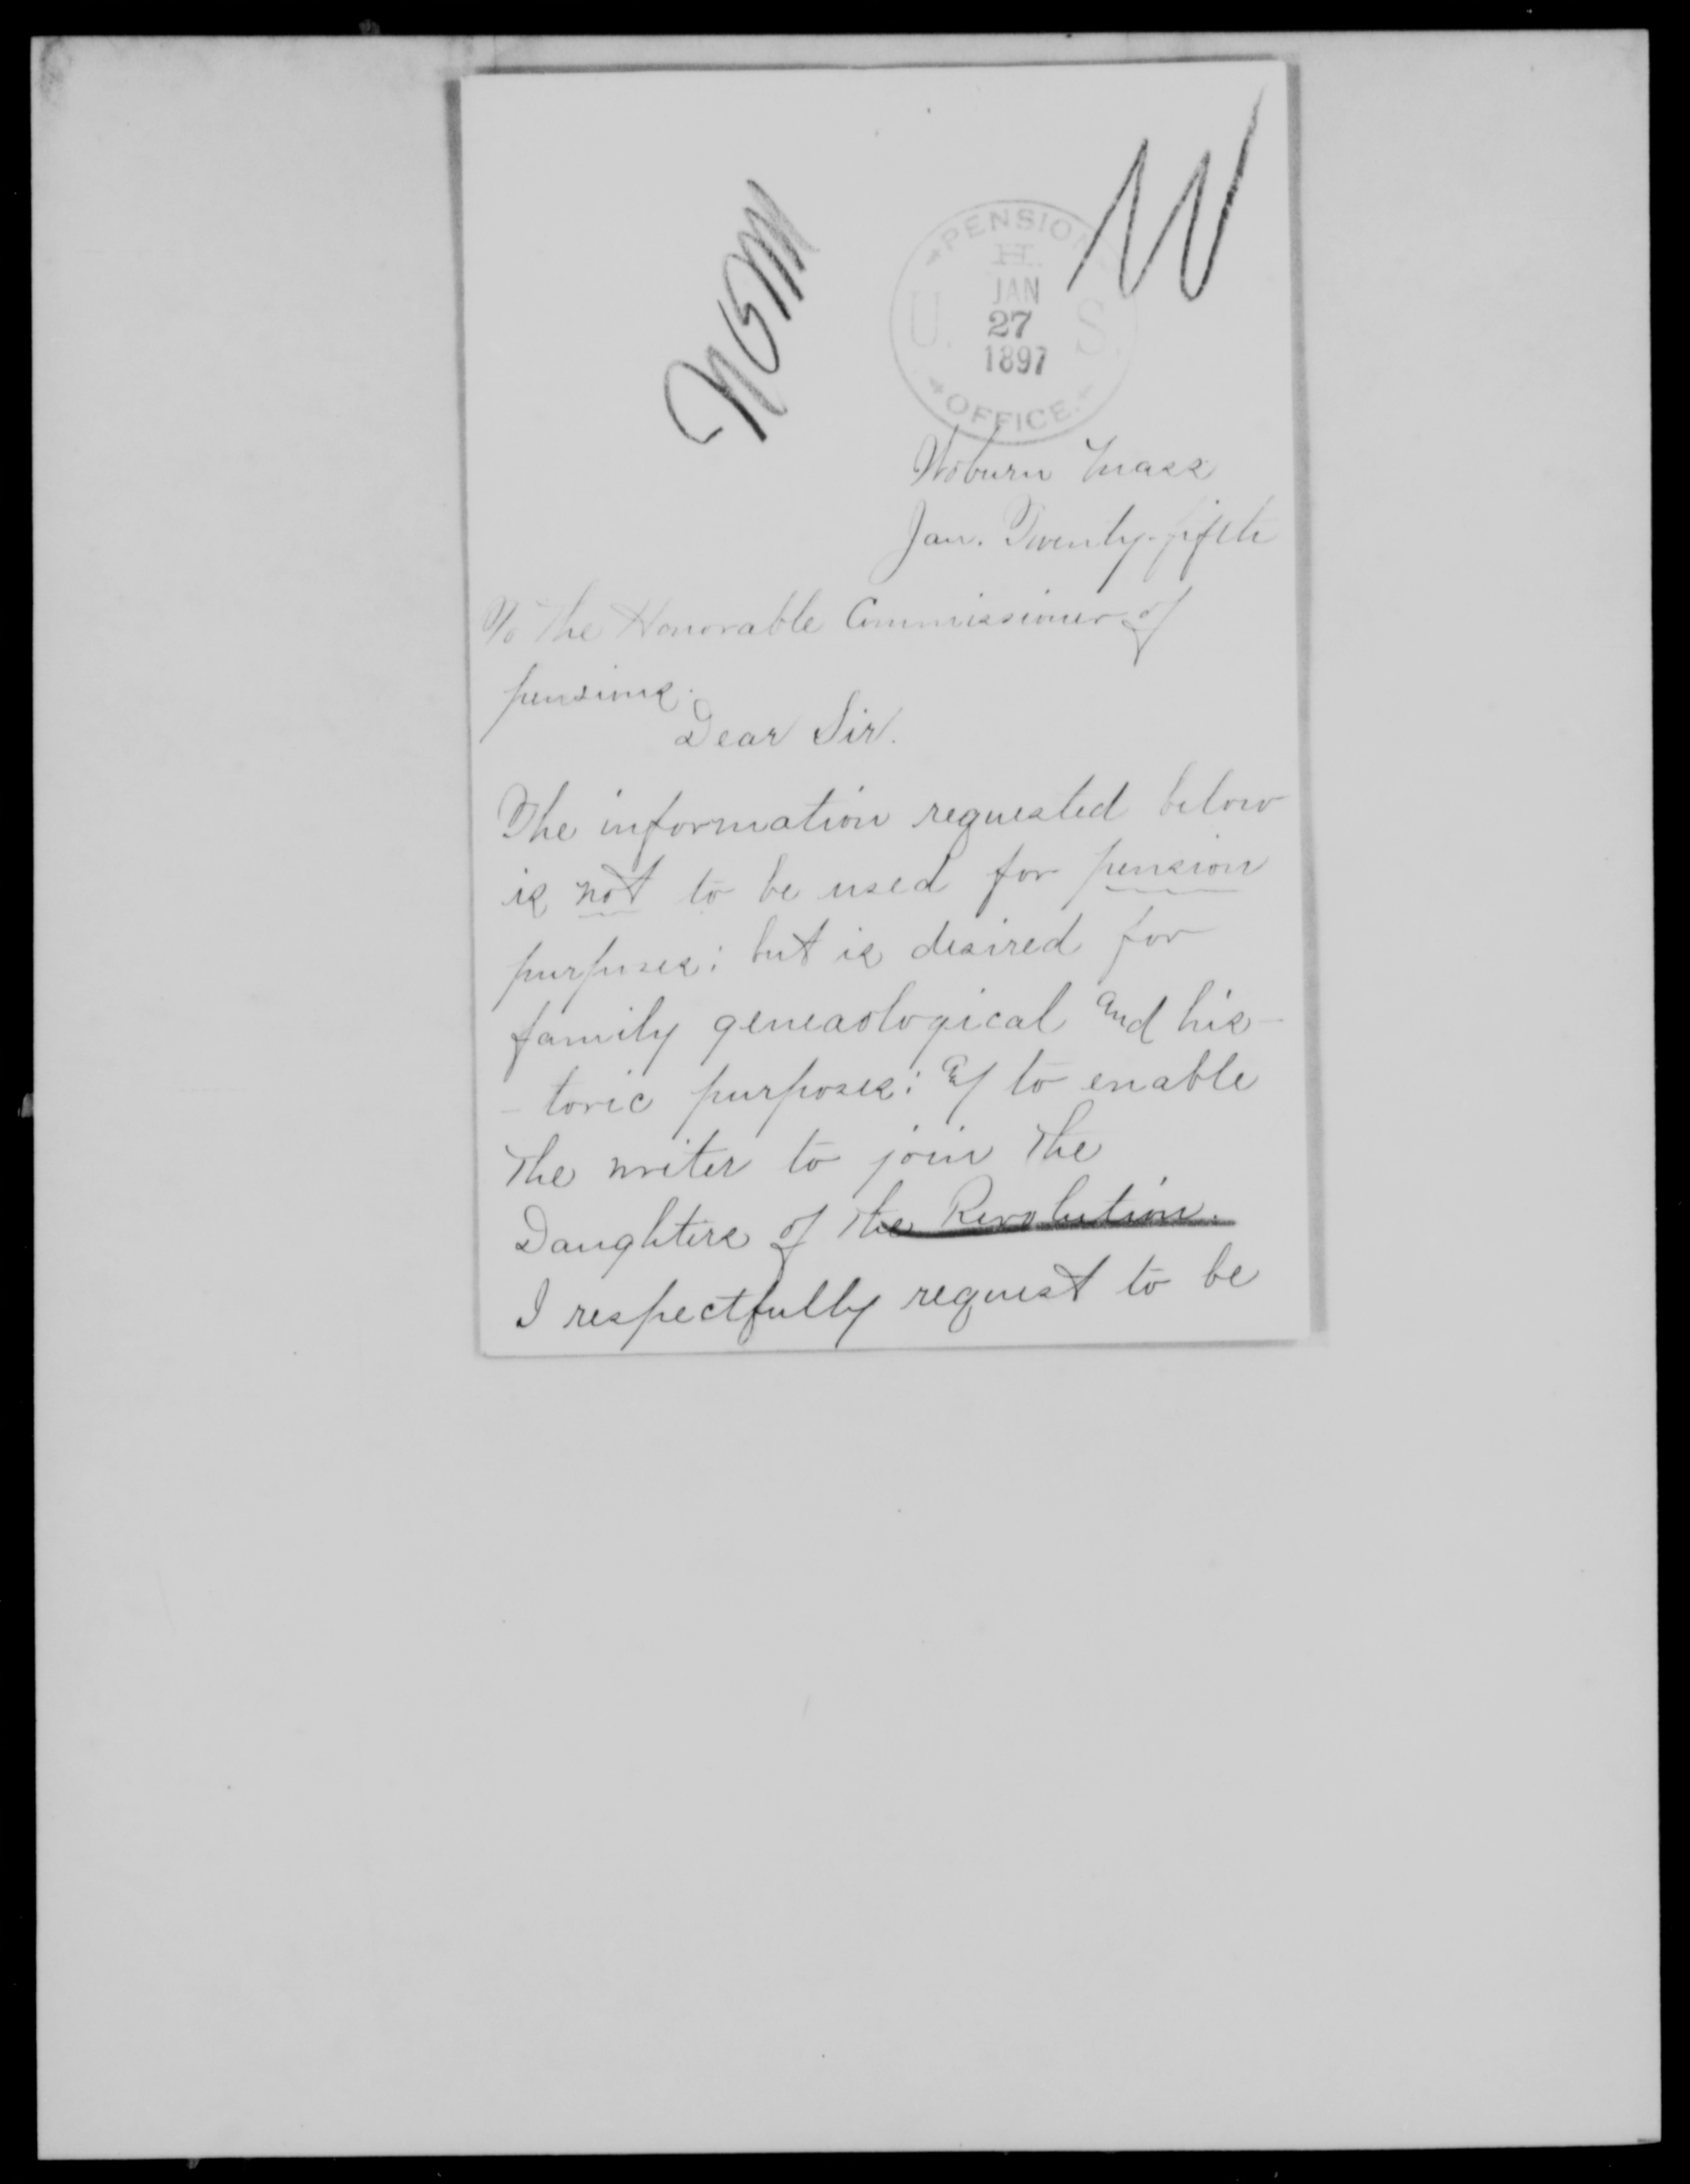MGM

[stamped
PENSION
JAN
U 27 S
1897
OFFICE]
Woburn Mass
Jan Twenty fifth
To The Honorable Commissioner of pensions
Dear Sir
The information requested below is not to be used for pension purposes:  but is desired for family geneaological and historic purposes: as to enable the writer to join the Daughters of the Revolution I respectfully request to be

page: 15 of 20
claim: survivor's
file: S. 11778, Silas Williams, Mass.